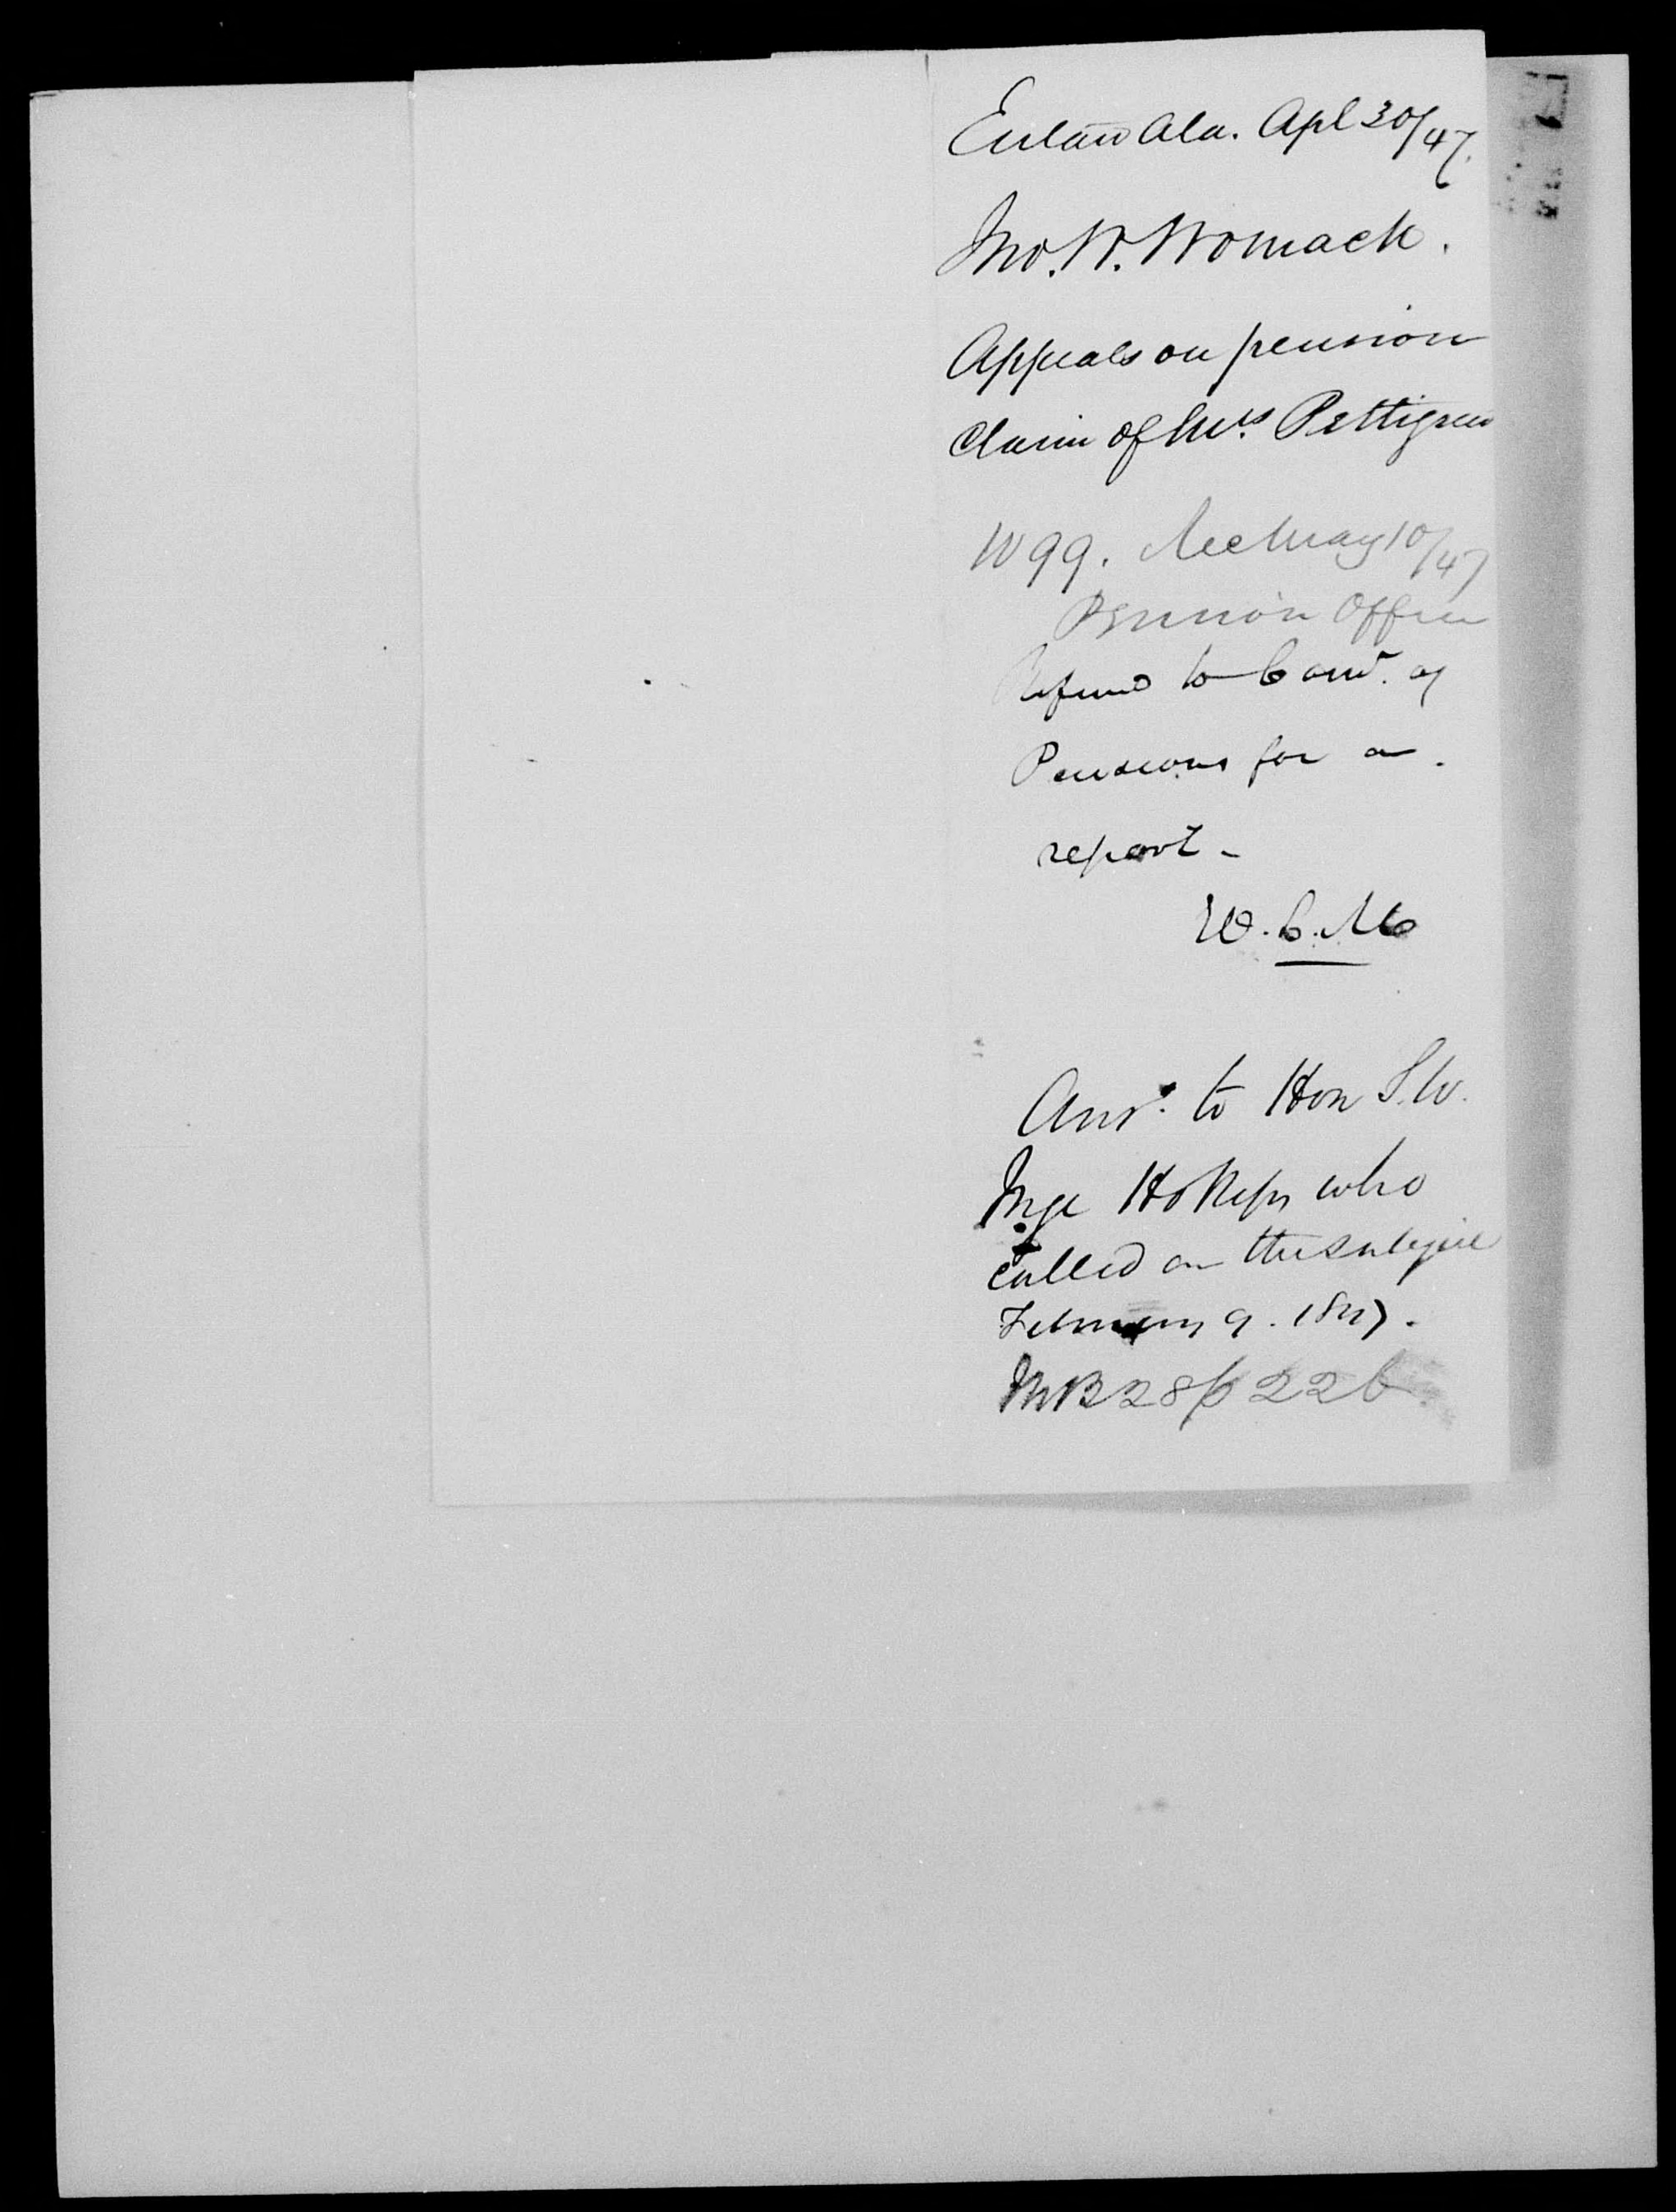Eutaw Ala. Apl 30147
Jm. N. Nomack.
Office of Pension
Claim  of Mrs. Pettigrew
w99. Leeway 10747
Pension Office
 Referred to Court. of 
Pension for a.
Report -
W. C. M.

Any to Hm J.W.
My [illegible] who
called on the subject
February 9. 1847.
MB28p22b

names: Jno W Womack; [BLANK] Pettigrewe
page: 48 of 92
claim: widow's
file: W. 5522, for James Pettigrew, South Carolina